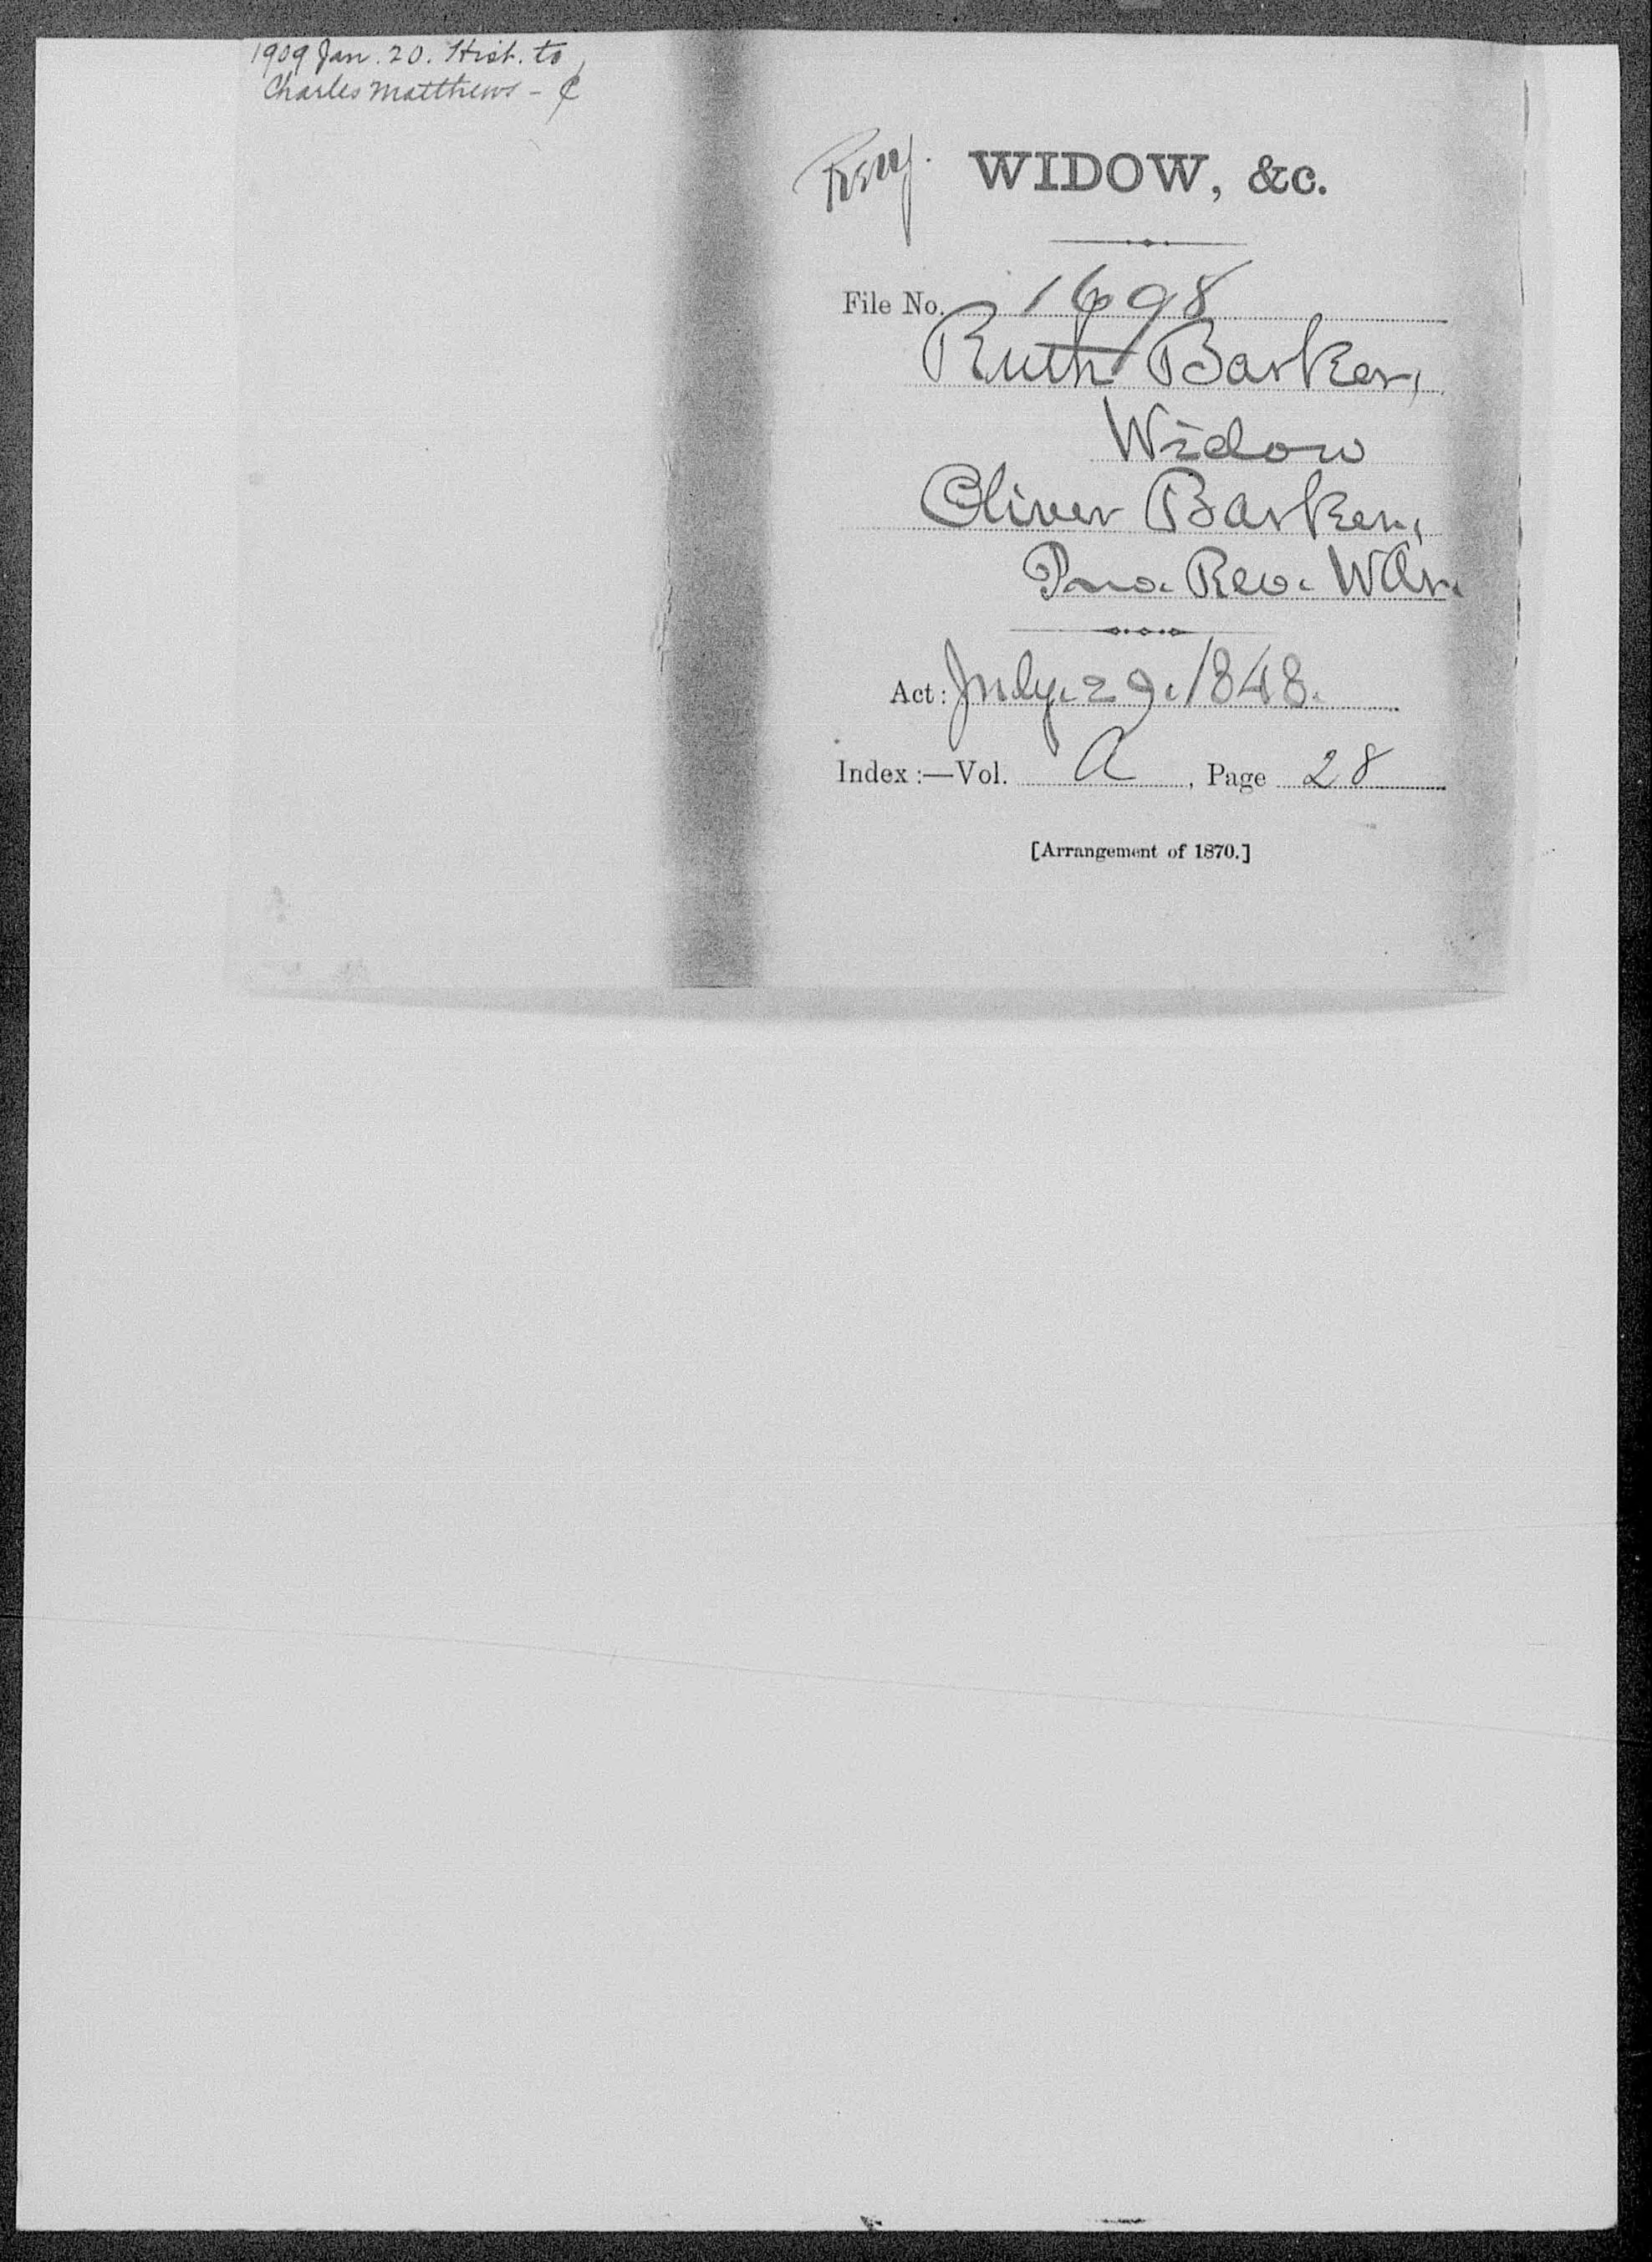1909 Jan. 20. Hist to Charles Matthews CL
Revy  WIDOW, &c. 
File No. 1698 
Ruth Barker 
Widow 
Oliver Barker 
Pri Rev War 
Act: July 29, 1848. 
Index: --Vol. A. Page 28 
[Arrangement of 1870.]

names: Oliver Barker, Charles Matthews, Ruth Barker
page: 21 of 51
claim: widow's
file: W. 1698, Oliver Barker, Conn.